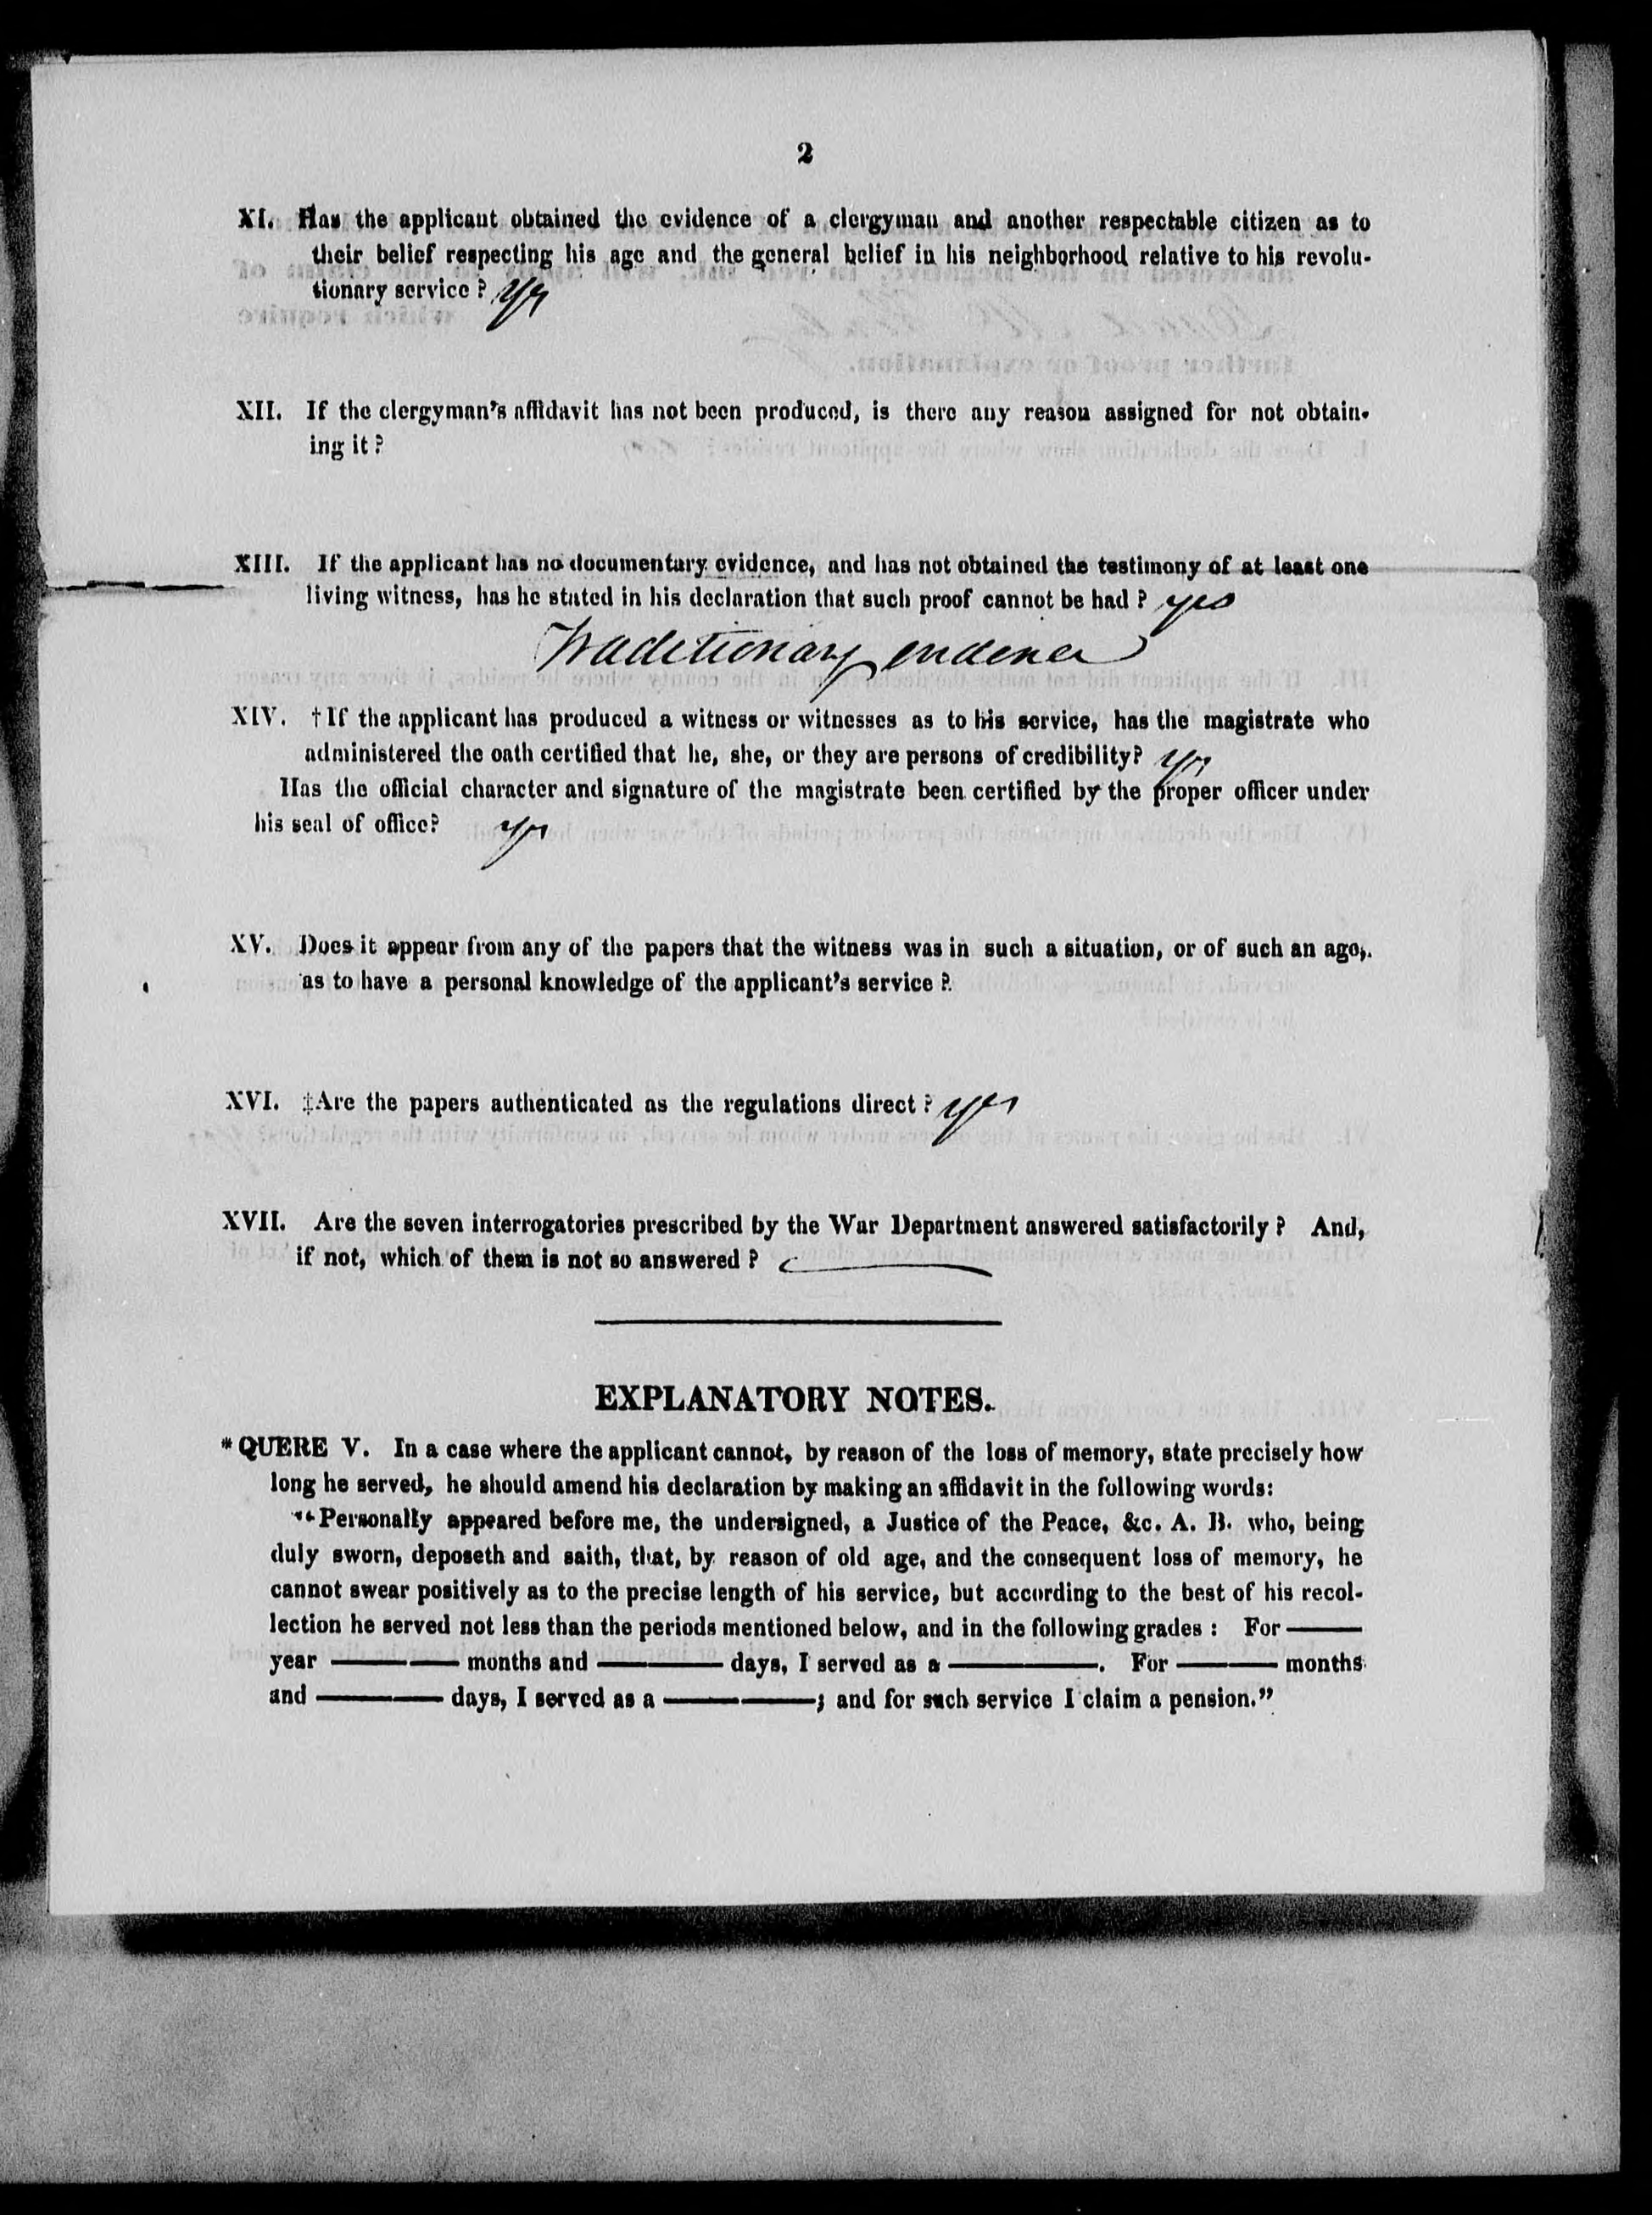[printed form with handwritten responses]
[page] 2

XI. Has the applicant obtained the evidence of a clergyman and another respectable citizen as to
their belief respecting his age and the general belief in his neighborhood relative to his revolutionary
service?
Yes
XIII. If the clergyman's affidavit has not been produced, is there any reason assigned for not obtaining it?
XIII. If the applicant has no documentary evidence, and has not obtained the testimony of at least one
living witness, has he stated in his declaration that such proof cannot be had? 
Yes
Traditionary endence
XIV. If the applicant has produced a witness or witnesses as to his service, has the magistrate who
administered the oath certified that he, she, or they are persons of credibility?
Yes
Has the official character and signature of the magistrate been certified by the proper officer under
his seal of office?
Yes
XV. Does it appear from any of the papers that the witness was in such a situation, or of such an age,
as to have a personal knowledge of the applicant's service?
XVI. Are the papers authenticated as the regulations direct? 
Yes
XVII. Are the seven interrogatories prescribed by the War Department answered satisfactorily? And,
if not, which of them is not so answered? [flourished line]
[horizontal line]
EXPLANATORY NOTES.
QUERE V. In a case where the applicant cannot, by reason of the loss of memory, state precisely how
long he served, he should amend his declaration by making an affidavit in the following words:
Personally appeared before me, the undersigned, a Justice of the Peace, &c. A. B. who, being
duly sworn, deposeth and saith, that, by reason of old age, and the consequent loss of memory, he
cannot swear positively as to the precise length of his service, but according to the best of his recollection
he served not less than the periods mentioned below, and in the following grades: For [blank] year
[blank] months and [blank] days, I served as a [blank]. For [blank] months
and [blank] days, I served as a [blank]. For [blank] months
and [blank] days, I served as a [blank]; for such service I claim a pension."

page: 18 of 39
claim: survivor's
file: S. 2812, for David Mc Kinley, Pennsylvania